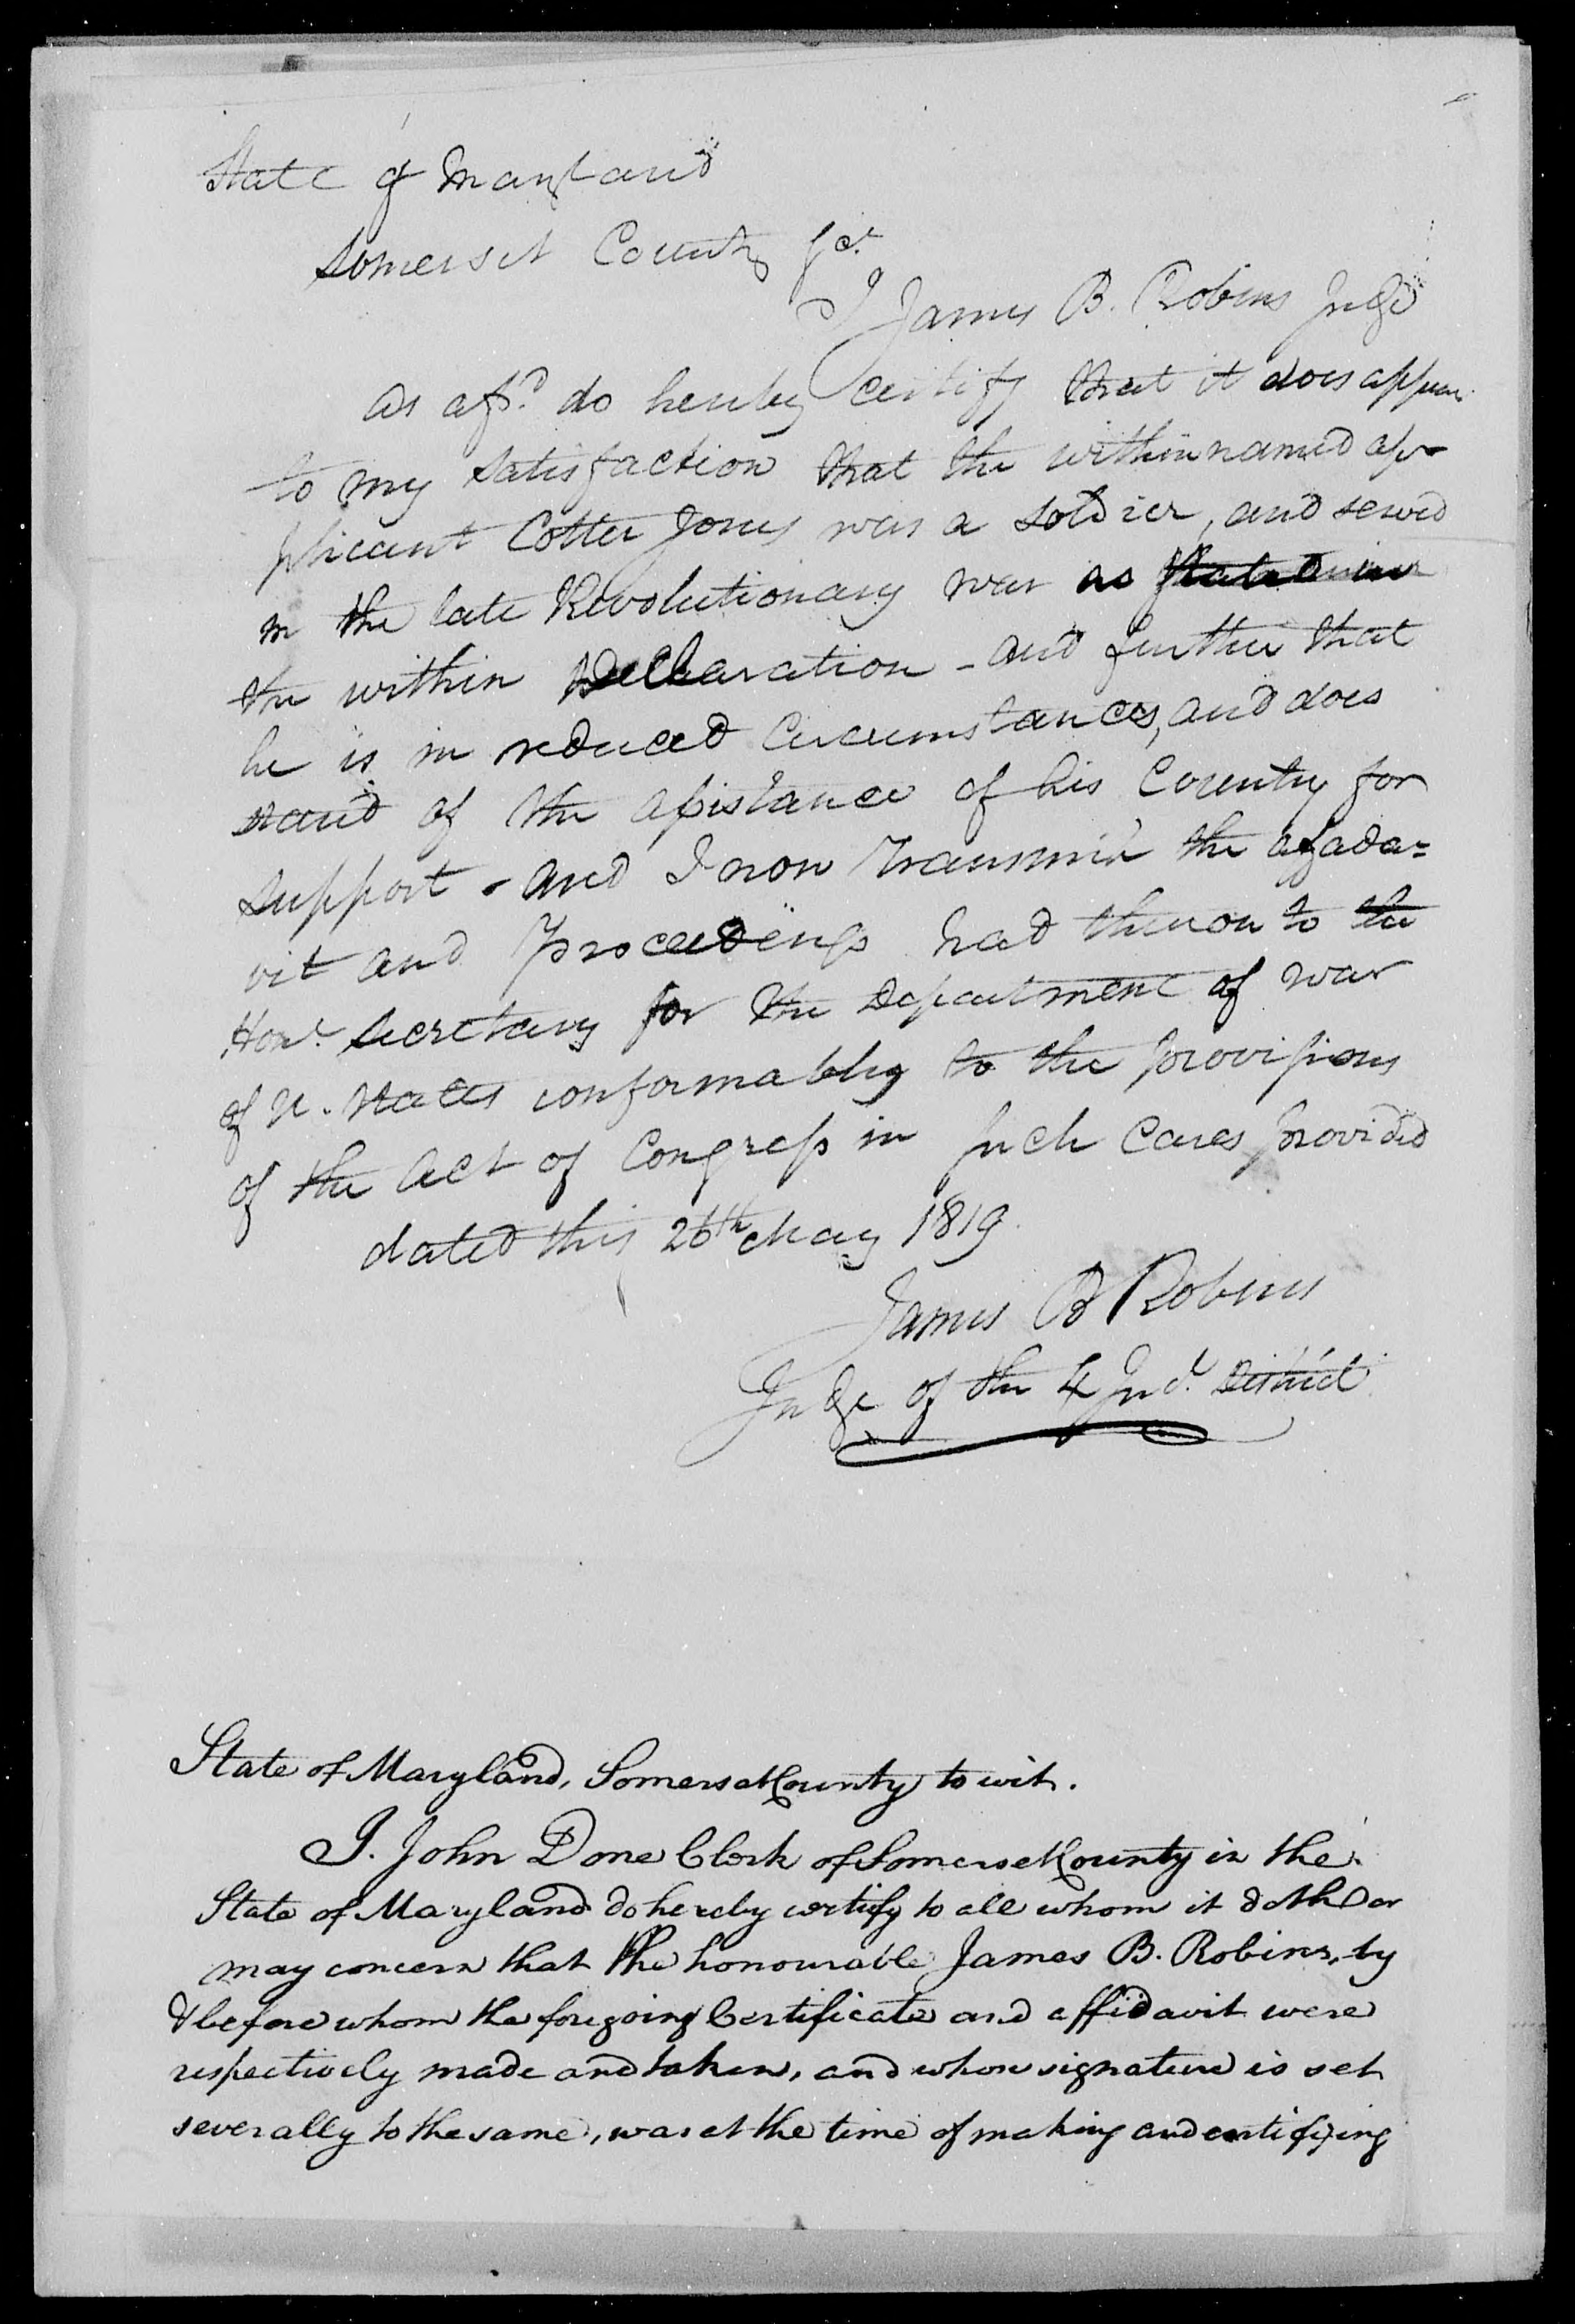State of Maryland
Somerset County

I James B Robins Judge as aforesaid do hereby certify that it does appear to my satisfaction that the within named applicant Cotter Jones was a soldier and served in the late Revolutionary war as stated in the within declaration - and further that he is in reduced circumstances and does stand of the assistance of his country for support - and I now transmit the affidavit and proceedings had thereon to the Honorable Secretary for the Department of War of U. States conformably to the provisions of the act of congress in such cases provided.

Dates this 26th May 1819

James B Robins
Judge of the 4th Jud District

State of Maryland Somerset County to wit

I John Done Clerk of Somerset County in the state of Maryland do hereby certify to all whom it doth or may concern that the honorable James B Robins by & before whom the foregoing certificate and affidavit were respectively made and taken and whose signature is set severally to the same was at the time of making and certifying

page: 10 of 15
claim: survivor's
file: S. 34946, for Cotter Jones, Maryland